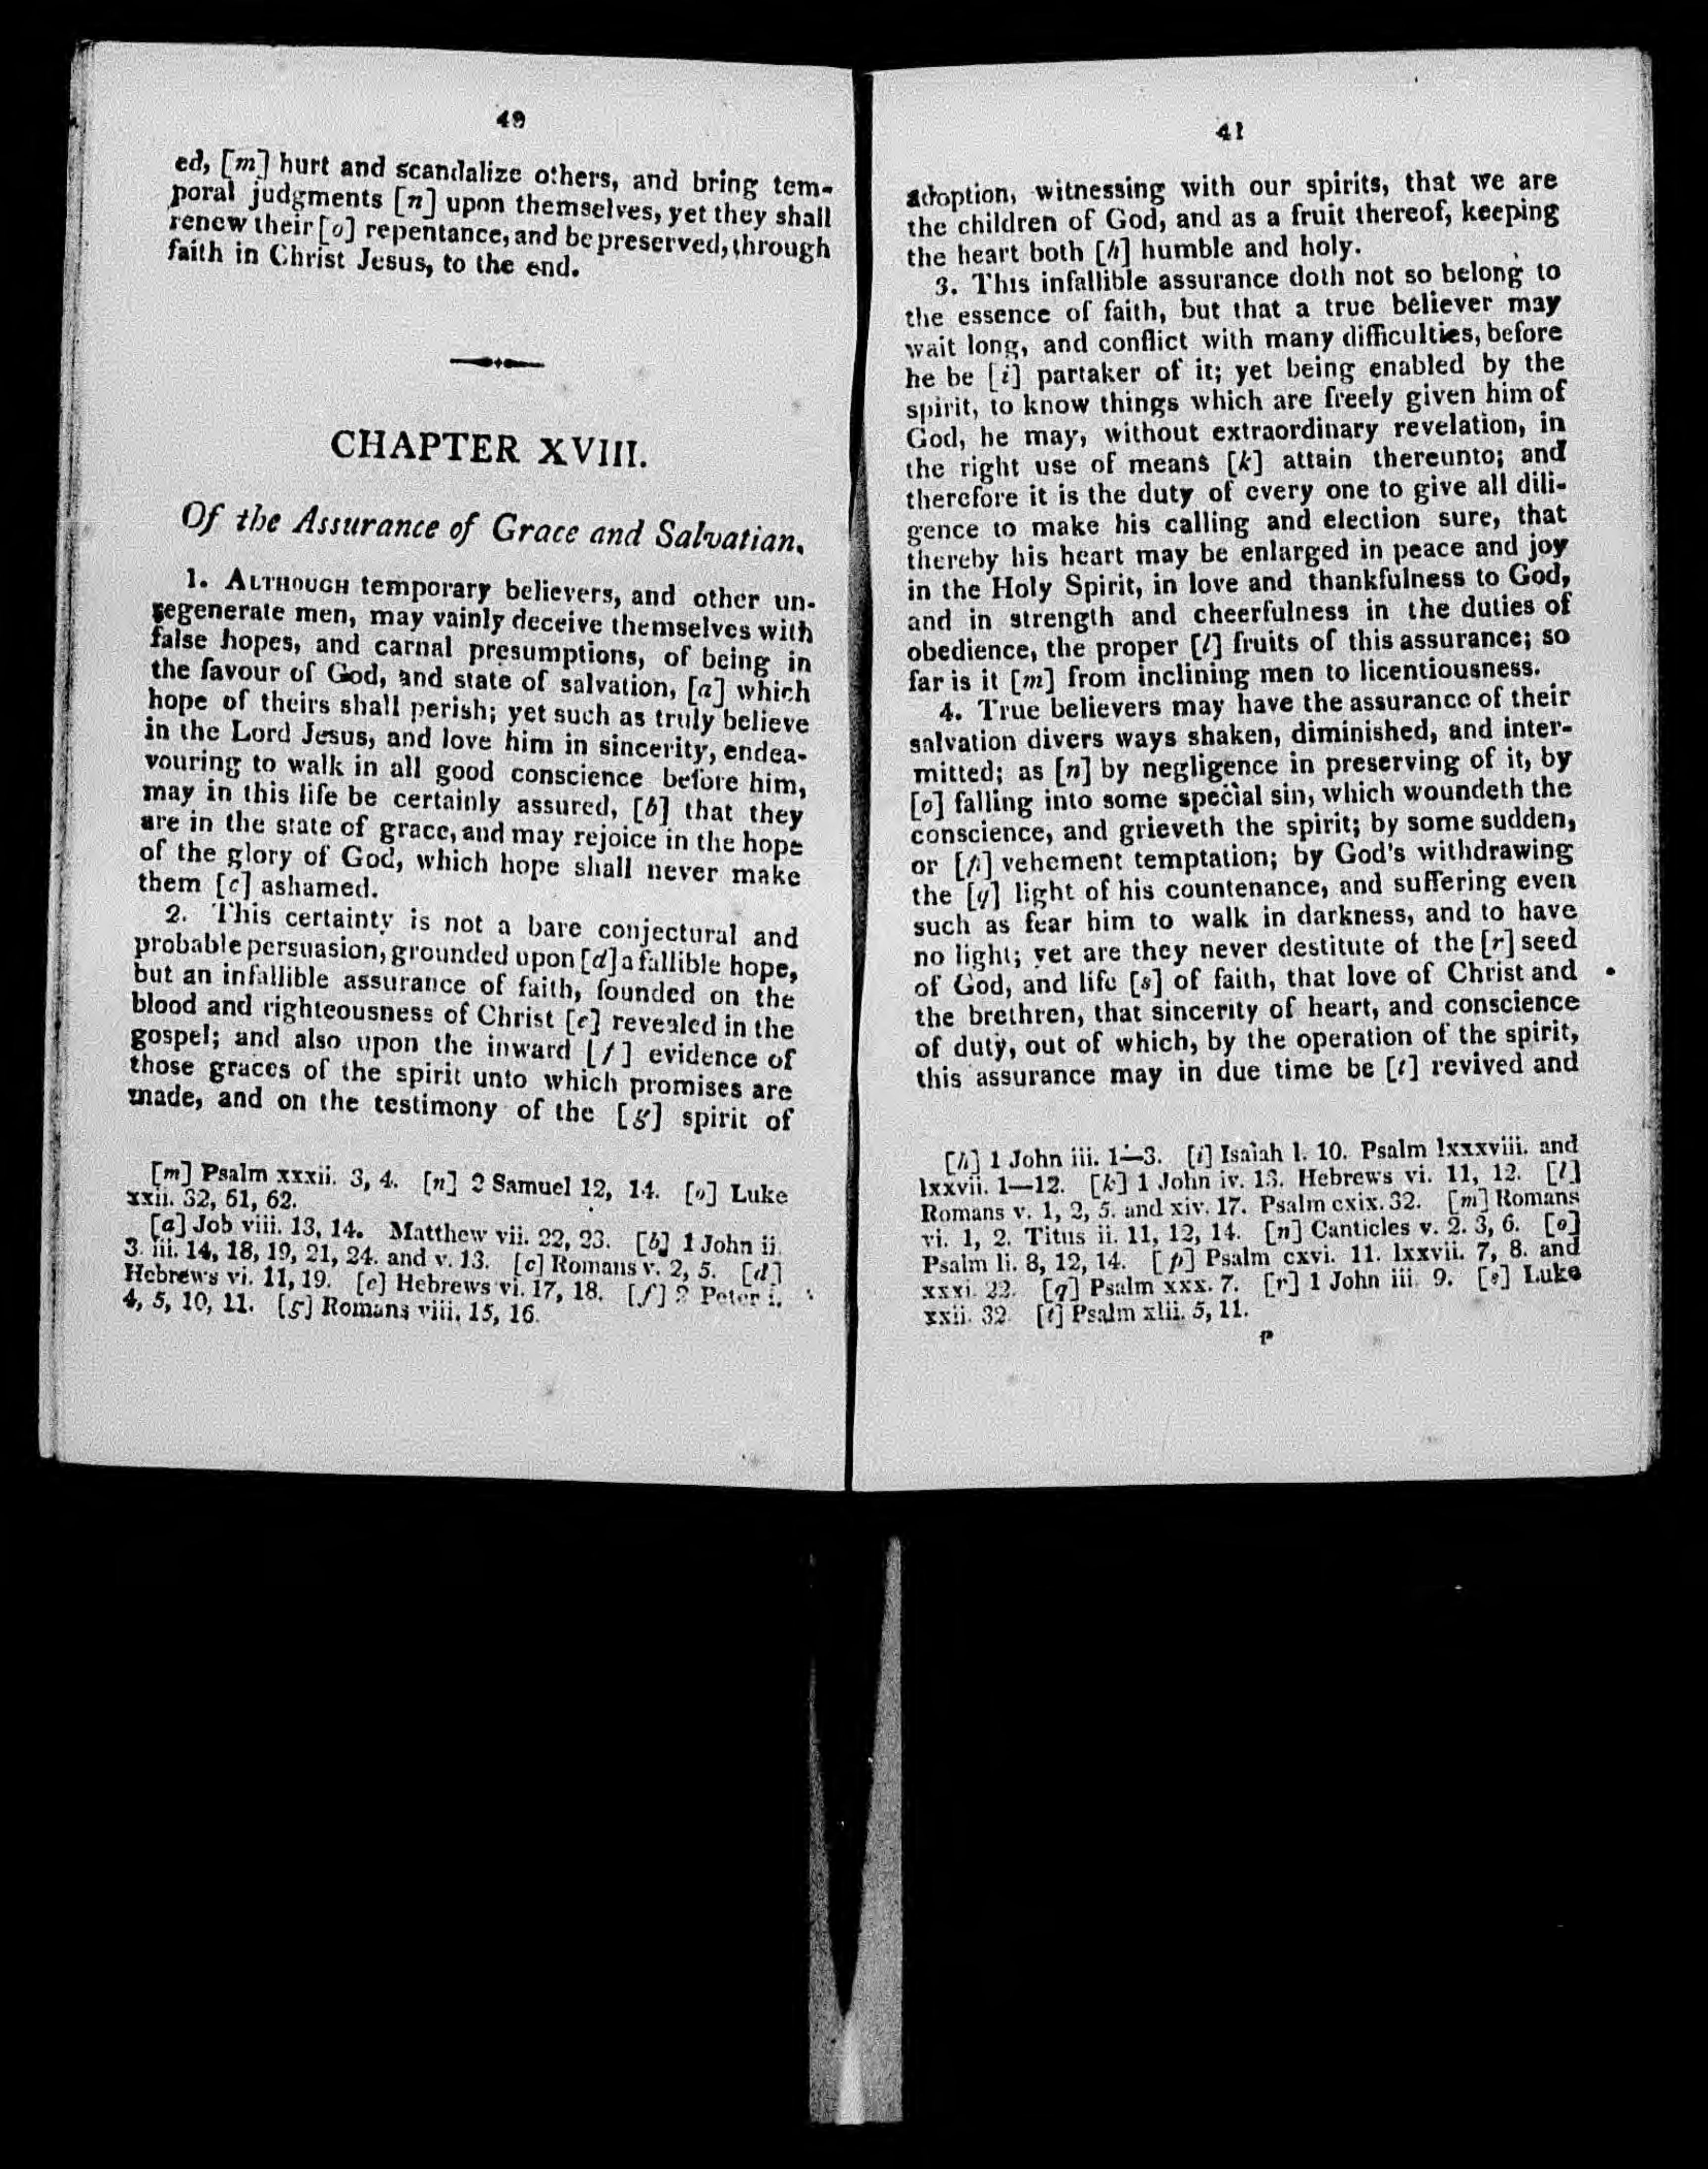40
ed, [m] hurt and scandalize others, and bring temporal judgments [n] upon themselves, yet they shall
renew their [o] repentance, and be preserved, through faith in Christ Jesus, to the end.

CHAPTER XVIII.

Of the Assurance of Grace and Salvation.

1. ALTHOUGH temporary believers, and other unregenerate men, may vainly deceive themselves with false hopes, and carnal presumptions, of being in the favour of God, and state of salvation, [a] which hope of theirs shall perish; yet such as truly believe in the Lord Jesus, and love him in sincerity, endeavouring to walk in all good conscience before him, may in this life be certainly assured, [b] that they are in the state of grace, and may rejoice in the hope of the glory of God, which hope shall never make them [c] ashamed.

2. This certainty is not a bare conjectural and probable persuasion, grounded upon [d] a fallible hope, but an infallible assurance of faith, founded on the blood and righteousness of Christ [e] revealed in the gospel; and also upon the inward [f] evidence of those graces of the spirit unto which promises are made, and on the testimony of the [g] spirit of 

[m] Psalm xxxii. 3, 4. [n] 2 Samuel 12, 14. [o] Luke xxii. 32, 61, 62.
[a] Job vii. 13, 14. Matthew vii. 22, 23. [b] John ii. 3 iii. 14, 18, 19, 21, 24, and v. 13. [c] Romans v. 2,5. [d] Hebrews vi. 11, 19. [e] Hebrews vi. 17, 18. [f] 2 Peter i. 4, 5, 10, 11. [g] Romans viii. 15, 16.

41
adoption, witnessing with our spirits, that we are the children of God, and as a fruit thereof, keeping
the heart both [h] humble and holy.

3. This infallible assurance doth not so belong to the essence of faith, but that a true believer may wait long, and conflict with many difficulties, before he be [i] partaker of it; yet being enabled by the spirit, to know things which are freely given him of God, he may, without extraordinary revelation, in the right use of means [k] attain thereunto; and therefore it is the duty of every one to give all diligence to make his calling and election sure, that thereby his heart may be enlarged in peace and joy in the Holy Spirit, in love and thankfulness to God, and in strength and cheerfulness in the duties of obedience, the proper [l] fruits of this assurance; so far is it [m] from inclining men to licentiousness.

4. True believers may have the assurance of their salvation divers ways shaken, diminished, and intermitted; as [n] by negligence in preserving of it, by [o] falling into some special sin, which woundeth the conscience, and grieveth the spirit, by some sudden, or [p] vehement temptation; by God's withdrawing the [q] light of his countenance, and suffering even such as fear him to walk in darkness, and to have no light; yet are they never destitute of the [r] seed of God, and life [s] of faith, that love of Christ and the brethren, that sincerity of heart, and conscience of duty, out of which, by the operation of the spirit, this assurance may in due time be [t] revived and

[h] 1 John iii. 1-3. [i] Isaiah 1. 10. Psalm lxxxviii. and lxxvii. 1-12. [k] 1 John iv. 13. Hebrews vi. 11, 12. [l] Romans v. 1, 2, 5. and xiv. 17. Psalm cxix. 32.  [m] Romans vi. 1, 2. Titus ii. 11, 12, 14. [n] Canticles v. 2,3, 6. [o] Psalm li. 8, 12, 14. [p] Psalm cxvi. 11. lxxvii. 7, 8. and xxxi. 22. [q] Psalm xxx. 7. [r] 1 John iii. 9. [s] Luke xxii. 32. [t] Psalm xlii, 5, 11.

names: Peter, Titus, Isaiah, John, Luke, John, Job, John, John, Samuel, Matthew, Luke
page: 32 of 98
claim: widow's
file: W. 8398, William Broadway, S.C.